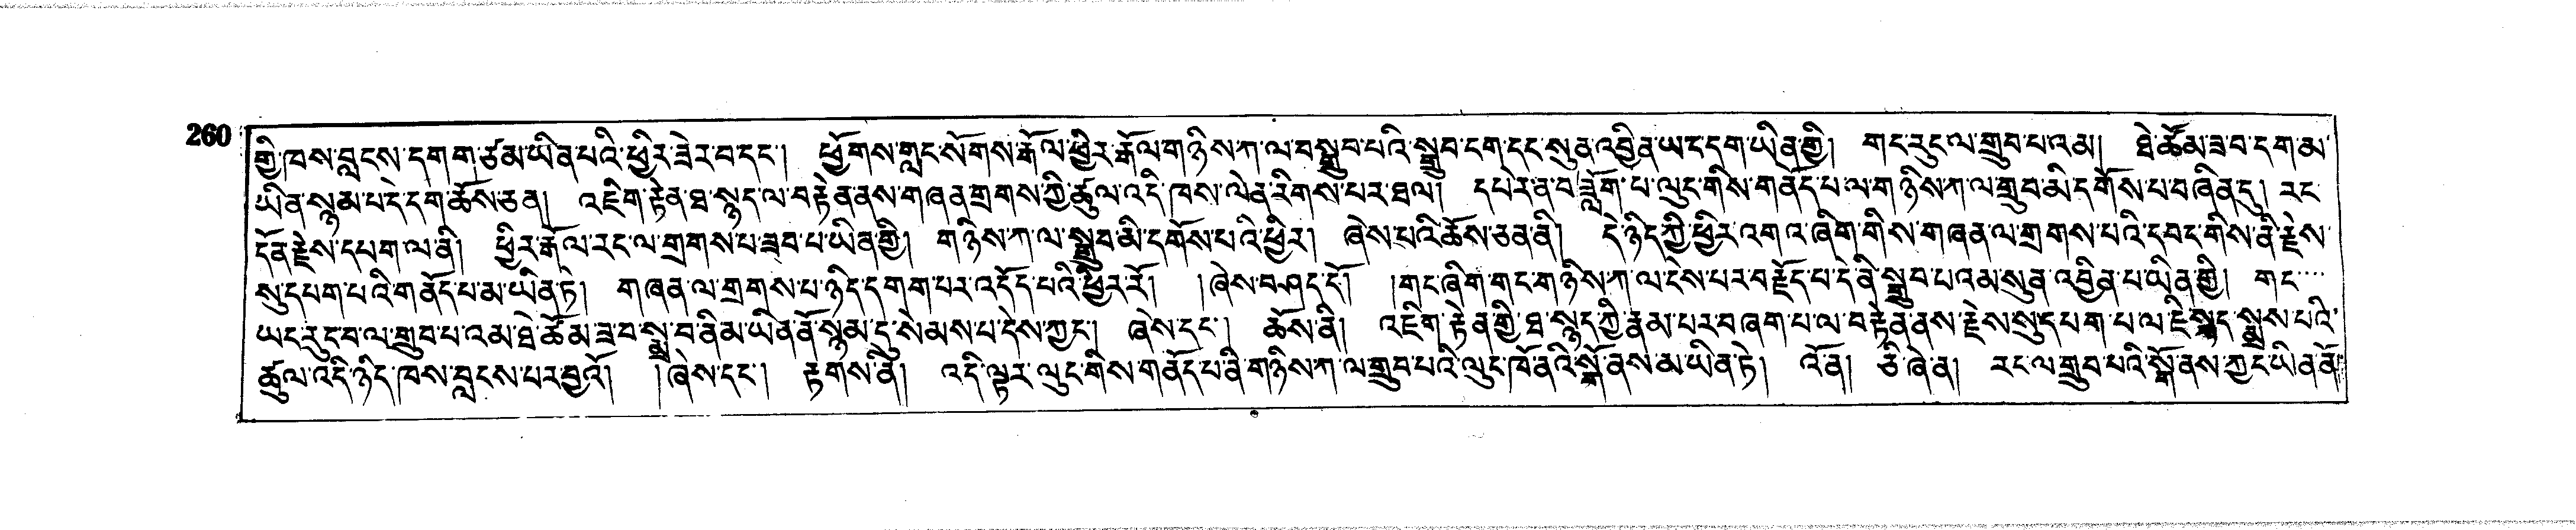གྱི་ཁས་བླངས་དགག་ཙམ་ཡིན་པའི་ཕྱིར་ཟེར་བ་དང་། ཕྱོགས་གླང་སོགས་རྒོལ་ཕྱིར་རྒོལ་གཉིས་ཀ་ལ་བསྒྲུབ་པའི་སྒྲུབ་ངག་དང་སུན་འབྱིན་ཡང་དག་ཡིན་གྱི། གང་རུང་ལ་གྲུབ་པའམ། ཐེ་ཚོམ་ཟ་བ་དག་མ་
ཡིན་སྙམ་པ་དེ་དག་ཆོས་ཅན། འཇིག་རྟེན་ཐ་སྙད་ལ་བརྟེན་ནས་གཞན་གྲགས་ཀྱི་ཚུལ་འདི་ཁས་ལེན་རིགས་པར་ཐལ། དཔེར་ན་བཟློག་པ་ལུང་གིས་གནོད་པ་ལ་གཉིས་ཀ་ལ་གྲུབ་མི་དགོས་པ་བཞིན་དུ། རང་
དོན་རྗེས་དཔག་ལ་ནི། ཕྱིར་རྒོལ་རང་ལ་གྲགས་པ་ཟབ་པ་ཡིན་གྱི། གཉིས་ཀ་ལ་སྒྲུབ་མི་དགོས་པའི་ཕྱིར། ཞེས་པའི་ཆོས་ཅན་ནི། དེ་ཉིད་ཀྱི་ཕྱིར་འགའ་ཞིག་གིས་གཞན་ལ་གྲགས་པའི་དབང་གིས་ནི་རྗེས་
སུ་དཔག་པའི་གནོད་པ་མ་ཡིན་ཏེ། གཞན་ལ་གྲགས་པ་ཉིད་དགག་པར་འདོད་པའི་ཕྱིར་རོ། །ཞེས་བཤད་དོ། །གང་ཞིག་གང་གཉིས་ཀ་ལ་ངེས་པར་བརྗོད་པ་དེ་ནི་སྒྲུབ་པའམ་སུན་འབྱིན་པ་ཡིན་གྱི། གང་
ཡང་རུང་བ་ལ་གྲུབ་པ་འམ་ཐེ་ཚོམ་ཟ་བ་སྨྲ་བ་ནི་མ་ཡིན་ནོ་སྙམ་དུ་སེམས་པ་དེས་ཀྱང་ཞེས་དང་། ཆོས་ནི། འཇིག་རྟེན་གྱི་ཐ་སྙད་ཀྱི་རྣམ་པར་བཞག་པ་ལ་བརྟེན་ནས་རྗེས་སུ་དཔག་པ་ལ་ཇི་སྐད་སྨྲས་པའི་
ཚུལ་འདི་ཉིད་ཁས་བླངས་པར་བྱའོ། །ཞེས་དང་། རྟགས་ནི། འདི་ལྟར་ལུང་གིས་གནོད་པ་ནི་གཉིས་ཀ་ལ་གྲུབ་པའི་ལུང་ཁོ་ནའི་སྒོ་ནས་མ་ཡིན་ཏེ། ཅི་ཞེ་ན། རང་ལ་གྲུབ་པའི་སྒོ་ནས་ཀྱང་ཡིན་ནོ། །